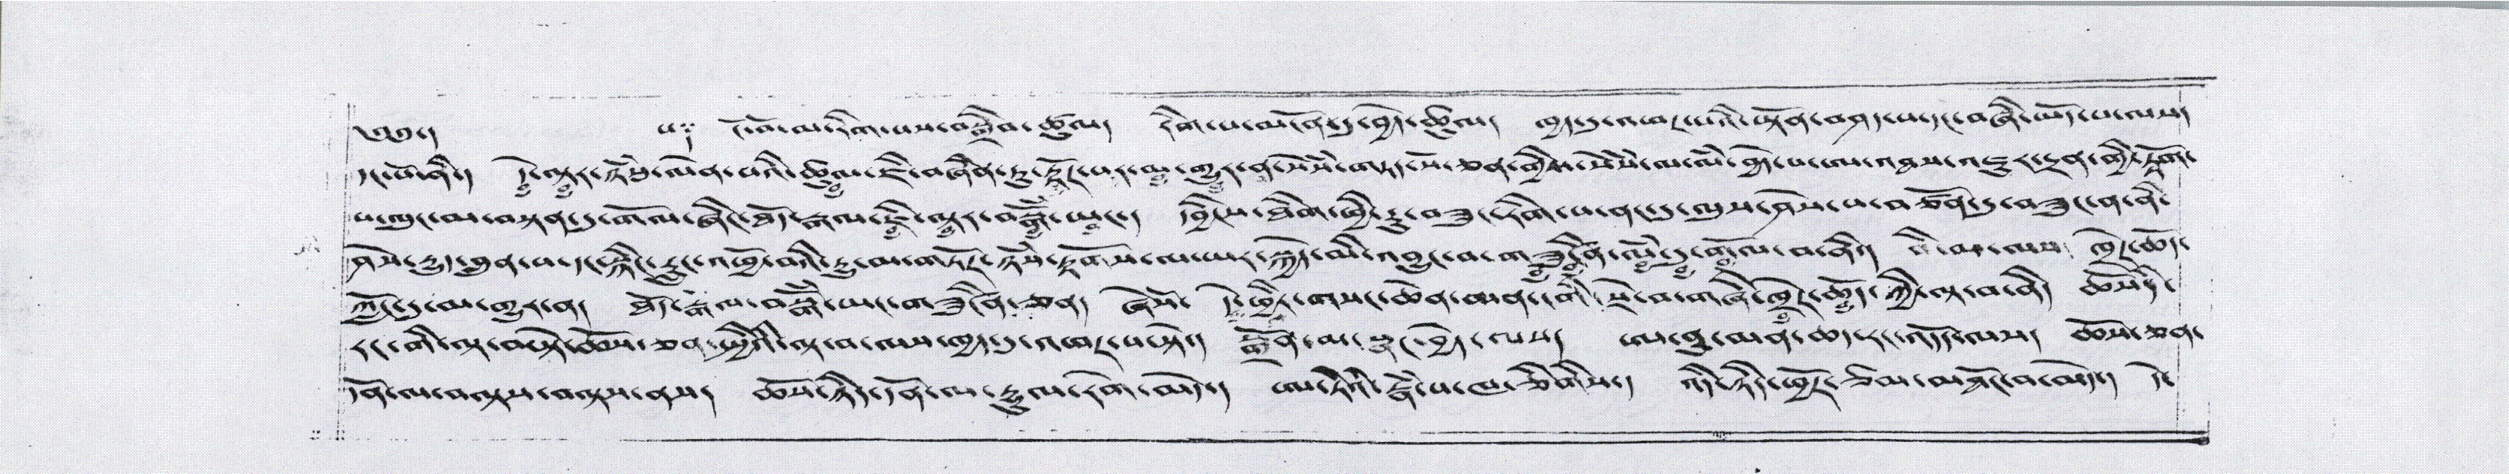པ། ངོ་བོ་མ་རིག་པས་བསྒྲིབས་ཚུལ། རིག་པ་མངོན་དུ་བྱེད་ཚུལ། ཁྱད་དུ་འཕགས་པའི་ཡོན་ཏན་བཤད་པ་དང་བཞི་ཡོད་པ་ལས། 
དང་པོ་ནི། དེ་ལྟར་ཉམས་སུ་ལེན་པའི་ཚུལ་ཇི་བཞིན་དུ་རྟོགས་པར་མ་གྱུར་ན་སེམས་གཏད་སོ་ཅན་གྱིས་སེམས་ལ་ལམ་བྱེད་པ་ཨ་འཐས་འཇུར་དྲན་གྱི་རྟོག་
པ་ལུང་མ་བསྟན་དུ་གོལ་ཞིང་ཐོད་རྒལ་ཇི་ལྟར་བསྒོམ་ཡང་། དབྱིངས་ཐིག་ཕྱི་རུ་བཟུང་རིག་པ་ནང་དུ་ལུས་ཤེས་པ་བཙོན་དུ་བཟུང་ན་ནི་
ཤེས་རྒྱུད་བྲུན་པ་དང་སྙིང་རླུང་འཕྱོ་བའི་རྒྱུ་མ་གཏོགས་ཉམས་རྟོགས་ཡར་སྐྱེད་མི་འབྱུང་བ་གཟུང་འཛིན་ལམ་དུ་གོལ་བ་ནི། བི་མ་ལས། ཁྲེག་ཆོད་
ཀློང་དུ་མ་གྱུར་ན། ཐོད་རྒལ་བསྒོམ་ཡང་གཟུང་འཛིན་ཅན། ཞེས་སོ། དེ་ཕྱིར་གསང་ཆེན་མང་ངག་གི་སྡེ་བ་གཞི་ཁྲེག་ཆོད་ཀྱི་ལྟ་བ་ནི། ཆོས་ཉིད་
རང་གི་ལྟ་བ་སྟེ་ཆོས་ཅན་སྤྱི་ཡི་ལྟ་བ་ལས་ཁྱད་དུ་འཕགས་པ་སྟེ། སྒྲོན་མ་སྣང་བྱེད་ལས། ཨ་ནུ་མན་ཆད་རང་འདོད་ལས། ཆོས་ཅན་
དོན་ལ་བལྟས་བལྟས་ནས། ཆོས་ཉིད་དོན་ལ་རྡུལ་རེག་མེད། ཨ་ཏིའི་རྣམ་པ་ཁ་ཅིག་གིས། འདི་ཉིད་ཕྱོགས་ཙམ་མཐོང་བ་མེད། དེ་